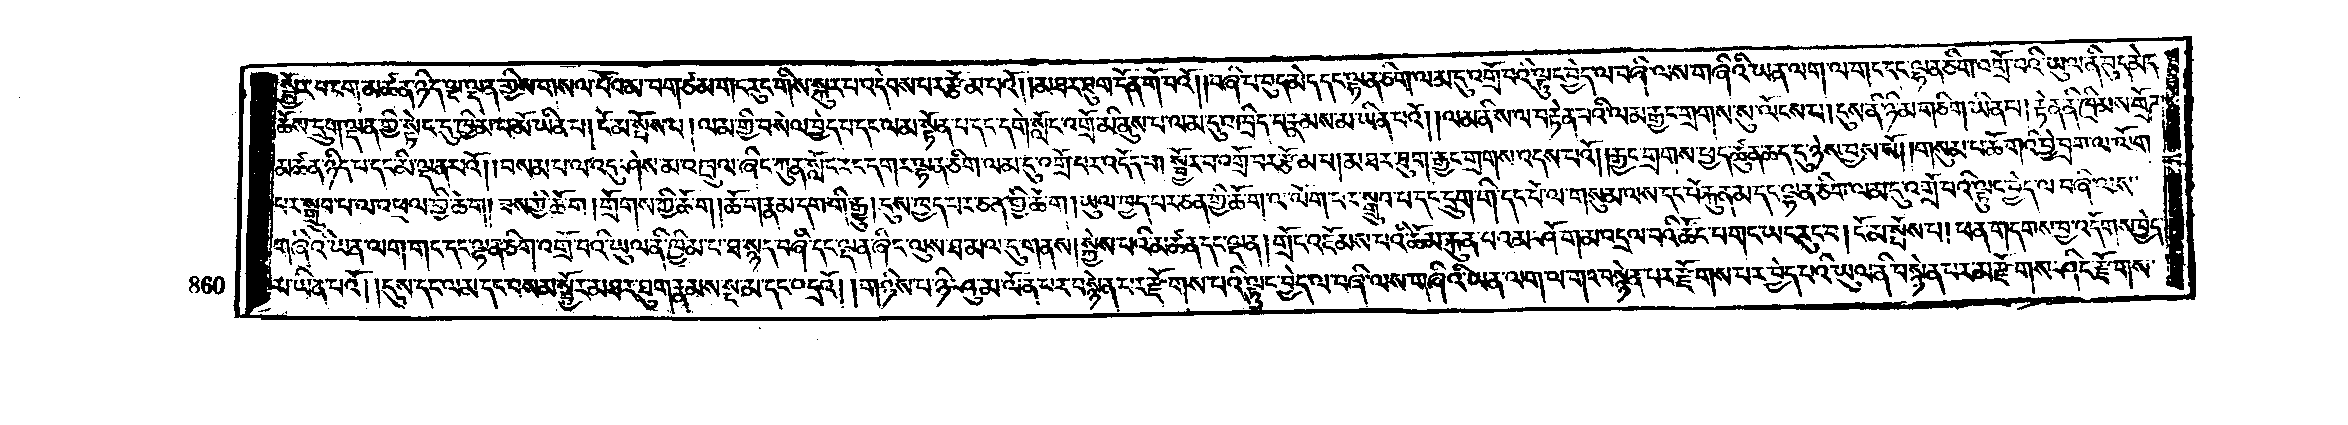སྦྱོར་བ་ངག་མཚན་ཉིད་ལྔ་ལྡན་གྱིས་གསལ་པོའམ་བག་ཙམ་གང་རུང་གིས་སྐུར་པ་འདེབས་པར་རྩོམ་པའོ། །མཐར་ཐུག་དོན་གོ་བའོ། །བཞི་པ་བུད་མེད་དང་ལྷན་ཅིག་ལམ་དུ་འགྲོ་བའི་ལྟུང་བྱེད་ལ་བཞི་ལས་གཞིའི་ཡན་ལག་ལ་གང་དང་ལྷན་ཅིག་འགྲོ་བའི་ཡུལ་ནི་བུད་མེད་
ཆོས་དྲུག་ལྡན་གྱི་སྟེང་དུ་ཁྱིམ་པ་མོ་ཡིན་པ། ངོ་མ་སྤོས་པ། ལམ་གྱི་བསེལ་བྱེད་པ་དང་ལམ་སྟོན་པ་དང་དགེ་སློང་འགྲོ་མི་ནུས་པ་ལམ་དུ་འཁྲིད་པ་རྣམས་མ་ཡིན་པའོ། །ལམ་ནི་ས་ལ་བརྟེན་པའི་ལམ་རྒྱང་གྲགས་སུ་ལོངས་པ། དུས་ནི་ཉི་མ་གཅིག་ཡིན་པ། རྟེན་ནི་ཁྲིམས་གྲོགས་
མཚན་ཉིད་པ་དང་མི་ལྡན་པའོ། །བསམ་པ་ལ་འདུ་ཤེས་མ་འཁྲུལ་ཞིང་ཀུན་སློང་རང་དགར་ལྷན་ཅིག་ལམ་དུ་འགྲོ་པར་འདོད་པ། སྦྱོར་བ་འགྲོ་བར་རྩོམ་པ། མཐར་ཐུག་རྒྱང་གྲགས་འདས་པའོ། །རྒྱང་གྲགས་ཕྱད་ཚུན་ཆད་དུ་ཉེས་བྱས་སོ། །གསུམ་པ་ཆོ་གའི་བྱེ་བྲག་ལ་ལོག་
པར་སྒྲུབ་པ་ལ་འཕྲལ་གྱི་ཆོ་ག །ཟས་ཀྱི་ཆོ་ག །གྲོགས་ཀྱི་ཆོ་ག །ཆོ་ག་རྣམ་དག་གི་རྒྱུ། དུས་ཁྱད་པར་ཅན་གྱི་ཆོ་ག །ཡུལ་ཁྱད་པར་ཅན་གྱི་ཆོ་ག་ལ་ལོག་པར་སྒྲུབ་པ་དང་དྲུག་གི་དང་པོ་ལ་གསུམ་ལས་དང་པོ་རྐུན་མ་དང་ལྷན་ཅིག་ལམ་དུ་འགྲོ་བའི་ལྟུང་བྱེད་ལ་བཞི་ལས་
གཞིའི་ཡན་ལག་གང་དང་ལྷན་ཅིག་འགྲོ་བའི་ཡུལ་ནི་ཁྱིམ་པ་ཐ་སྙད་བཞི་དང་ལྡན་ཞིང་ལུས་ཐ་མལ་དུ་གནས། སྐྱེས་པའི་མཚན་དང་ལྡན། གྲོང་འཇོམས་པའི་ཆོམ་རྐུན་པའམ་ཤོ་ག་མ་འདྲལ་བའི་ཚོང་པ་གང་ཡང་རུང་བ། ངོ་མ་སྤོས་པ། ཕན་གདགས་བྱ་འདོགས་བྱེད་
པ་ཡིན་པའོ། །དུས་དང་ལམ་དང་བསམ་སྦྱོར་མཐར་ཐུག་རྣམས་སྔ་མ་དང་འདྲའོ། །གཉིས་པ་ཉི་ཤུ་མ་ལོན་པར་བསྙེན་པར་རྫོགས་པའི་ལྟུང་བྱེད་ལ་བཞི་ལས་གཞིའི་ཡན་ལག་ལ་གང་བསྙེན་པར་རྫོགས་པར་བྱེད་པའི་ཡུལ་ནི་བསྙེན་པར་མ་རྫོགས་ཤིང་རྫོགས་